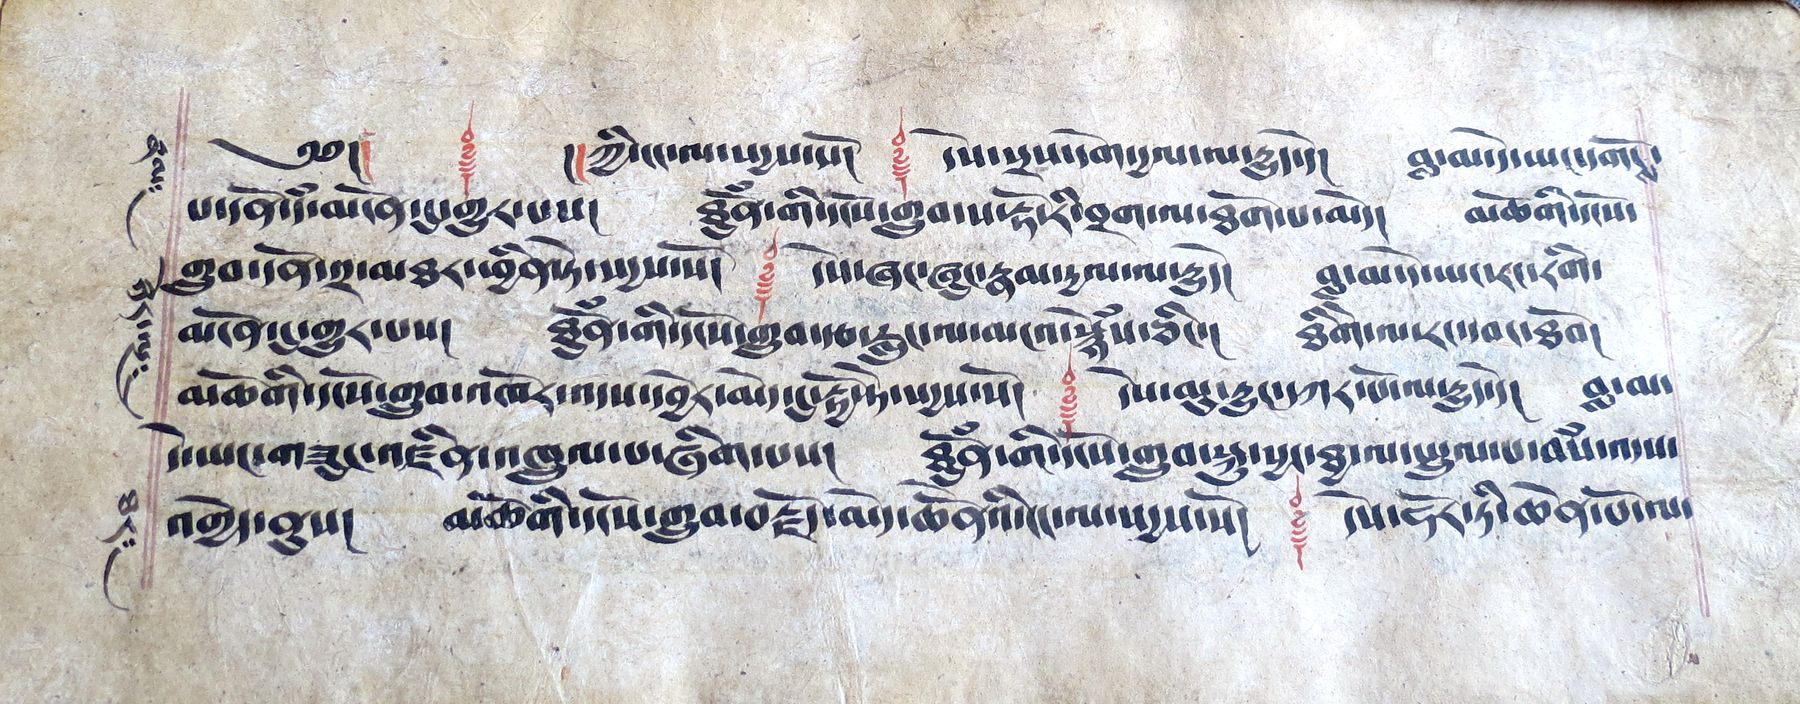ཀྱི་ངང་ལ་སངས་རྒྱས་སོ། ། དེས་སྲས་དགེ་རྒྱལ་ལ་བརྒྱུད་དེ། བླ་མ་དེ་ཡང་དགོངས་
པ་དོན་དམ་མངོན་དུ་གྱུར་པས། ཐུན་མོང་གི་དངོས་གྲུབ་ས་རྡོ་རི་བྲག་ལ་ཐོགས་པ་མེད། མཆོག་གི་དངོས་
གྲུབ་དོན་གཉིས་མཐར་ཕྱིན་ཏེ་སངས་རྒྱས་སོ། ། དེས་ཞང་ཞུང་རྣམ་རྒྱལ་ལ་བརྒྱུད་དེ། བླ་མ་དེ་ཡང་རང་རིག་
མངོན་དུ་གྱུར་པས། ཐུན་མོང་གི་དངོས་གྲུབ་རྩ་རླུང་ལ་མངའ་བསྙེམས་ཤིང་། ཐིག་ལེ་ལ་རང་དབང་ཐོབ། 
མཆོག་གི་དངོས་གྲུབ་འཁོར་འདས་དབྱེར་མེད་དུ་རྟོགས་ཏེ་སངས་རྒྱས་སོ། ། དེས་མུ་རྒྱུང་དཀར་པོ་ལ་བརྒྱུད་དེ། བླ་མ་
དེ་ཡང་བཟུང་འཛིན་འཁྲུལ་པ་ཞིག་ནས། ཐུན་མོང་གི་དངོས་གྲུབ་སྐུ་གསུང་ཐུགས་ལས་སྤྲུལ་པ་བསམ་འདས་
འགྱེད་ནུས། མཆོག་གི་དངོས་གྲུབ་བརྗོད་མེད་ཆེན་པོའི་ངང་ལ་སངས་རྒྱས་སོ། ། དེས་ཧོར་ཏི་ཆེན་པོ་ལ་